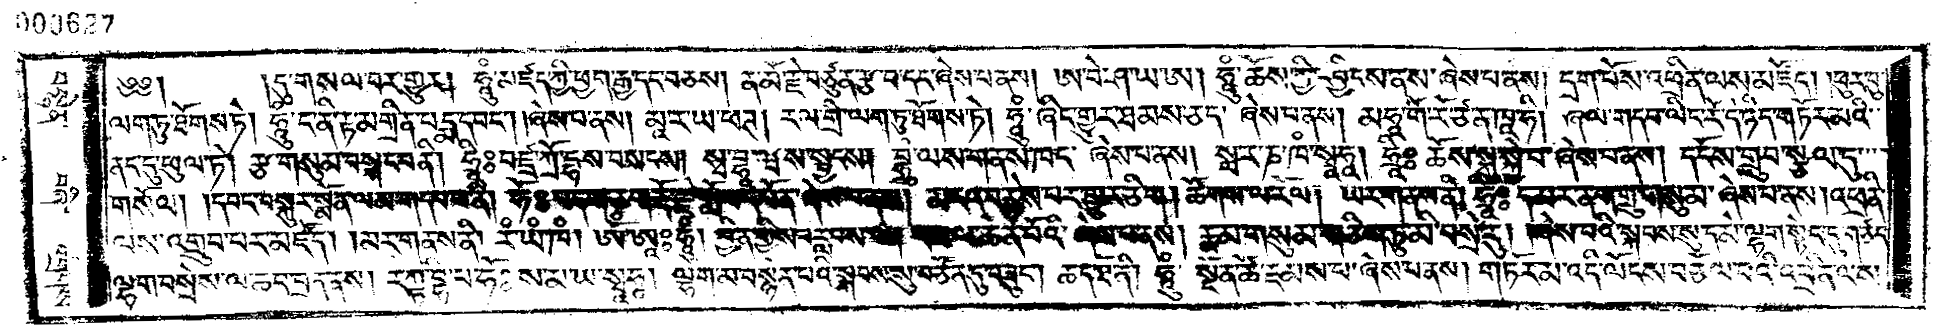༄༅། །དུ་གསལ་བར་གྱུར། ཧཱུཾ་མཛད་ཀྱི་ཕྱག་རྒྱ་དང་བཅས། ན་མོ་རྗེ་བཙུན་རྩ་བ་དང་ཞེས་པ་ནས། ཨ་བེ་ཤ་ཡ་ཨ། ཧཱུཾ་ཆོས་ཀྱི་དབྱིངས་ནས་ཞེས་པ་ནས། དྲག་པོས་འཕྲིན་ལས་མཛོད། །ཕུར་བུ་
ལག་ཏུ་ཐོགས་ཏེ། ཧཱུཾ་ང་ནི་རྟ་མགྲིན་པདམ་དབང་། །ཞེས་པ་ནས། མཱ་ར་ཡ་ཕཊ། རལ་གྲི་ལག་ཏུ་ཐོགས་ཏེ། ཧཱུཾ་ཞིང་གྱུར་ཐམས་ཅད་ཞེས་པ་ནས།  མཧཱ་གོ་རོ་ཙ་ན་ཁཱ་ཧི། ཞལ་གདབ་ལིང་རོ་དེ་ཉིད་གཏོར་མའི་
ནང་དུ་ཕུལ་ཏེ། རྩ་གསུམ་བསྐང་བ་ནི། ཧྲཱིཿ བཛྲ་ཀྲོ་དྷས་བསངས། སྭ་བྷཱ་ཝས་སྦྱངས། བྷྲུཾ་ལས་གནས་ཁང་ཞེས་པ་ནས། སླ་ར་ཎ་ཁཾ་སྭཱ་ཧཱ། ཧྲཱིཿ ཆོས་སྐུ་སྐྱེ་བ་ཞེས་པ་ནས། དངོས་གྲུབ་སྩལ་དུ་
གསོལ། །དབང་བསྐུར་སྨོན་ལམ་གདབ་པ་ནི། ཧོཿ བདག་ཅག་རྡོ་རྗེ་སློབ་དཔོན་ཞེས་པ་ནས། མངའ་བརྙེས་པར་གྱུར་ཅིག །ཚོགས་ལ་རོལ། ཡར་གནས་ནི། ཧྲཱིཿ དམར་ནག་གྲུ་གསུམ་ཞེས་པ་ནས། འཕྲིན་
ལས་འགྲུབ་པར་མཛོད། །མར་གནས་ནི། རཾ་ཡཾ་ཁཾ། ཨོཾ་ཨཱཿ ཧཱུཾ། བྱིན་གྱིས་བརླབས་ལ། དཔལ་ཆེན་པོའི་ཞེས་པ་ནས། རྣམ་གསུམ་གཅིག་ཏུ་མི་བསྲེ་རུ། །ཞེས་པའི་སྐབས་སུ་དམེ་ལྷག་སྟེང་དུ་གཙང་
ལྷག་བསྲེས་ལ་ཆབ་བྲན་ནས། རཀྟ་བྷི་པ་ཧོཿ ས་མ་ཡ་སྭཱཧཱ། ལྷག་མ་བསྙེན་པའི་སྐབས་སུ་བཙོན་དུ་བཟུང་། ཆད་ཐོ་ནི། ཧཱུཾ་སྔོན་ཚེ་རྡམས་པ་ཞེས་པ་ནས། གཏོར་མ་འདི་ལོངས་བཅོལ་བའི་འཕྲིན་ལས་